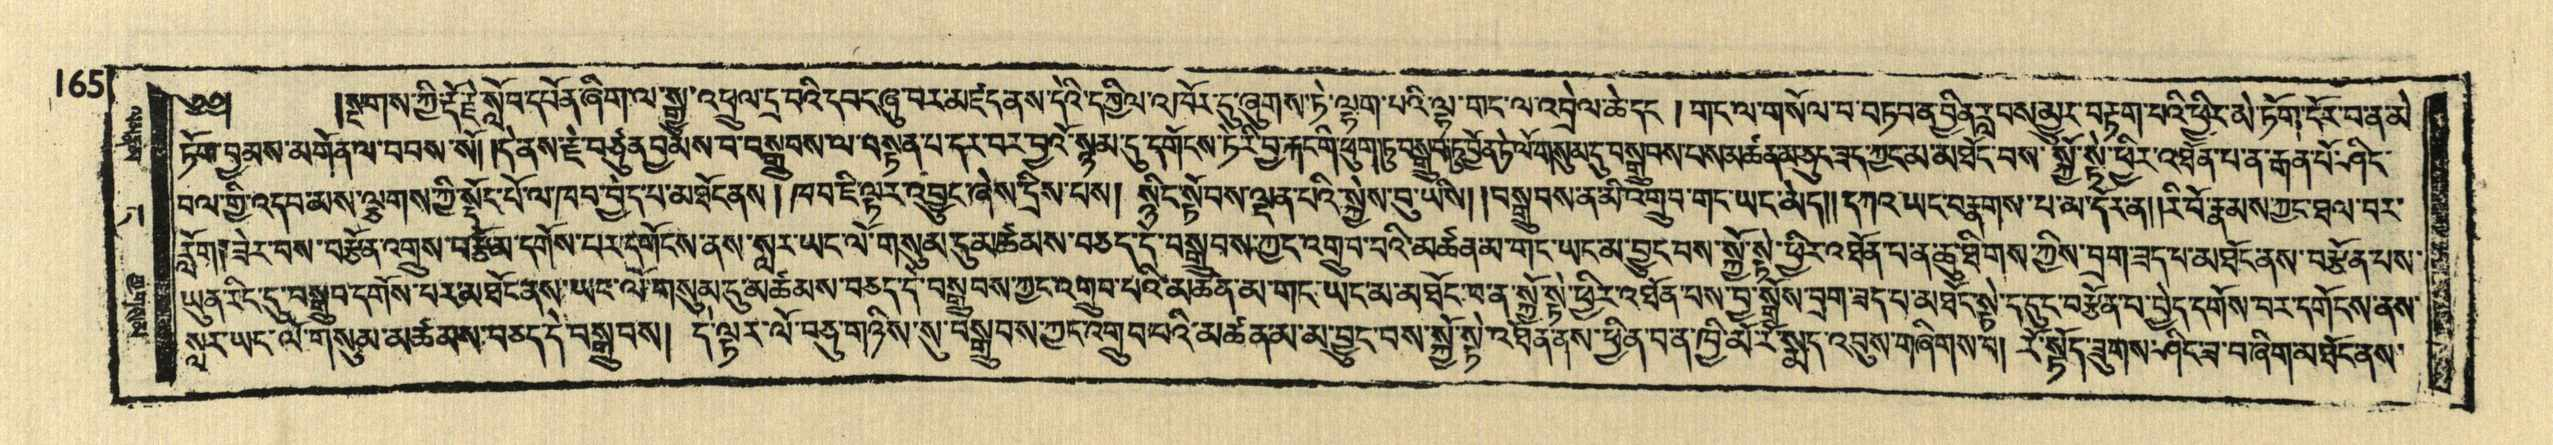༄༅། །སྔགས་ཀྱི་རྡོ་རྗེ་སློབ་དཔོན་ཞིག་ལ་སྒྱུ་འཕྲུལ་དྲ་བའི་དབང་ཞུ་བར་མཛད་ནས་དེའི་དཀྱིལ་འཁོར་དུ་ཞུགས་ཏེ་ལྷག་པའི་ལྷ་གང་ལ་འབྲེལ་ཆེ་དང་།གང་ལ་གསོལ་བ་བཏབ་ན་བྱིན་རླབས་མྱུར་བརྟག་པའི་ཕྱིར་མེ་ཏོག་དོར་བ་ན་མེ་
ཏོག་བྱམས་མགོན་ལ་བབས་སོ། །དེ་ནས་རྗེ་བཙུན་བྱམས་བ་བསྒྲུབས་ལ་བསྟན་པ་དར་བར་བྱའོ་སྙམ་དུ་དགོངས་ཏེ་རི་བྱ་རྐང་གི་ཕུག་ཏུ་བསྒྲུབ་ཏུ་བྱོན་ཏེ་ལོ་གསུམ་དུ་བསྒྲུབས་པས་མཚན་མ་ཅུང་ཟད་ཀྱང་མ་མཐོང་བས་སྐྱོ་སྟེ་ཕྱིར་འཐོན་པ་ན་རྒན་པོ་ཤིང་
བལ་གྱི་འདབ་མས་ལྕགས་ཀྱི་སྡོང་པོ་ལ་ཁབ་བྱེད་པ་མཐོང་ནས། ཁབ་ཇི་ལྟར་འབྱུང་ཞེས་དྲིས་པས། སྙིང་སྟོབས་ལྡན་པའི་སྐྱེས་བུ་ཡིས། །བསྒྲུབས་ན་མི་འགྲུབ་གང་ཡང་མེད། །དཀའ་ཡང་བརྣགས་པ་མ་དོར་ན། །རི་བོ་རྣམས་ཀྱང་ཐལ་བར་
རློག༑ ཟེར་བས་བརྩོན་འགྲུས་བརྩོམ་དགོས་པར་དགོངས་ནས་སླར་ཡང་ལོ་གསུམ་དུ་མཚམས་བཅད་དེ་བསྒྲུབས་ཀྱང་འགྲུབ་བའི་མཚན་མ་གང་ཡང་མ་བྱུང་བས་སྐྱོ་སྟེ་ཕྱིར་འཐོན་པ་ན་ཆུ་ཐིགས་ཀྱིས་བྲག་ཟད་པ་མཐོང་ནས་བརྩོན་པས་
ཡུན་རིང་དུ་བསྒྲུབ་དགོས་པར་མཐོང་ནས་ཡང་ལོ་གསུམ་དུ་མཚམས་བཅད་དེ་བསྒྲུབས་ཀྱང་འགྲུབ་པའི་མཚན་མ་གང་ཡང་མ་མཐོང་བ་ན་སྐྱོ་སྟེ་ཕྱིར་འཐོན་པས་བྱ་སྒྲོས་བྲག་ཟད་པ་མཐོང་སྟེ་ད་དུང་བརྩོན་པ་བྱེད་དགོས་བར་དགོངས་ནས་
སླར་ཡང་ལོ་གསུམ་མཚམས་བཅད་དེ་བསྒྲུབས། དེ་ལྟར་ལོ་བཅུ་གཉིས་སུ་བསྒྲུབས་ཀྱང་འགྲུབ་པའི་མཚན་མ་མ་བྱུང་བས་སྐྱོ་སྟེ་འཐོན་ནས་ཕྱིན་བ་ན་ཁྱི་མོ་རོ་སྨད་འབུས་གཞིགས་བ། རོ་སྟོད་ཟུགས་ཤིང་ཟ་བ་ཞིག་མཐོང་ནས་